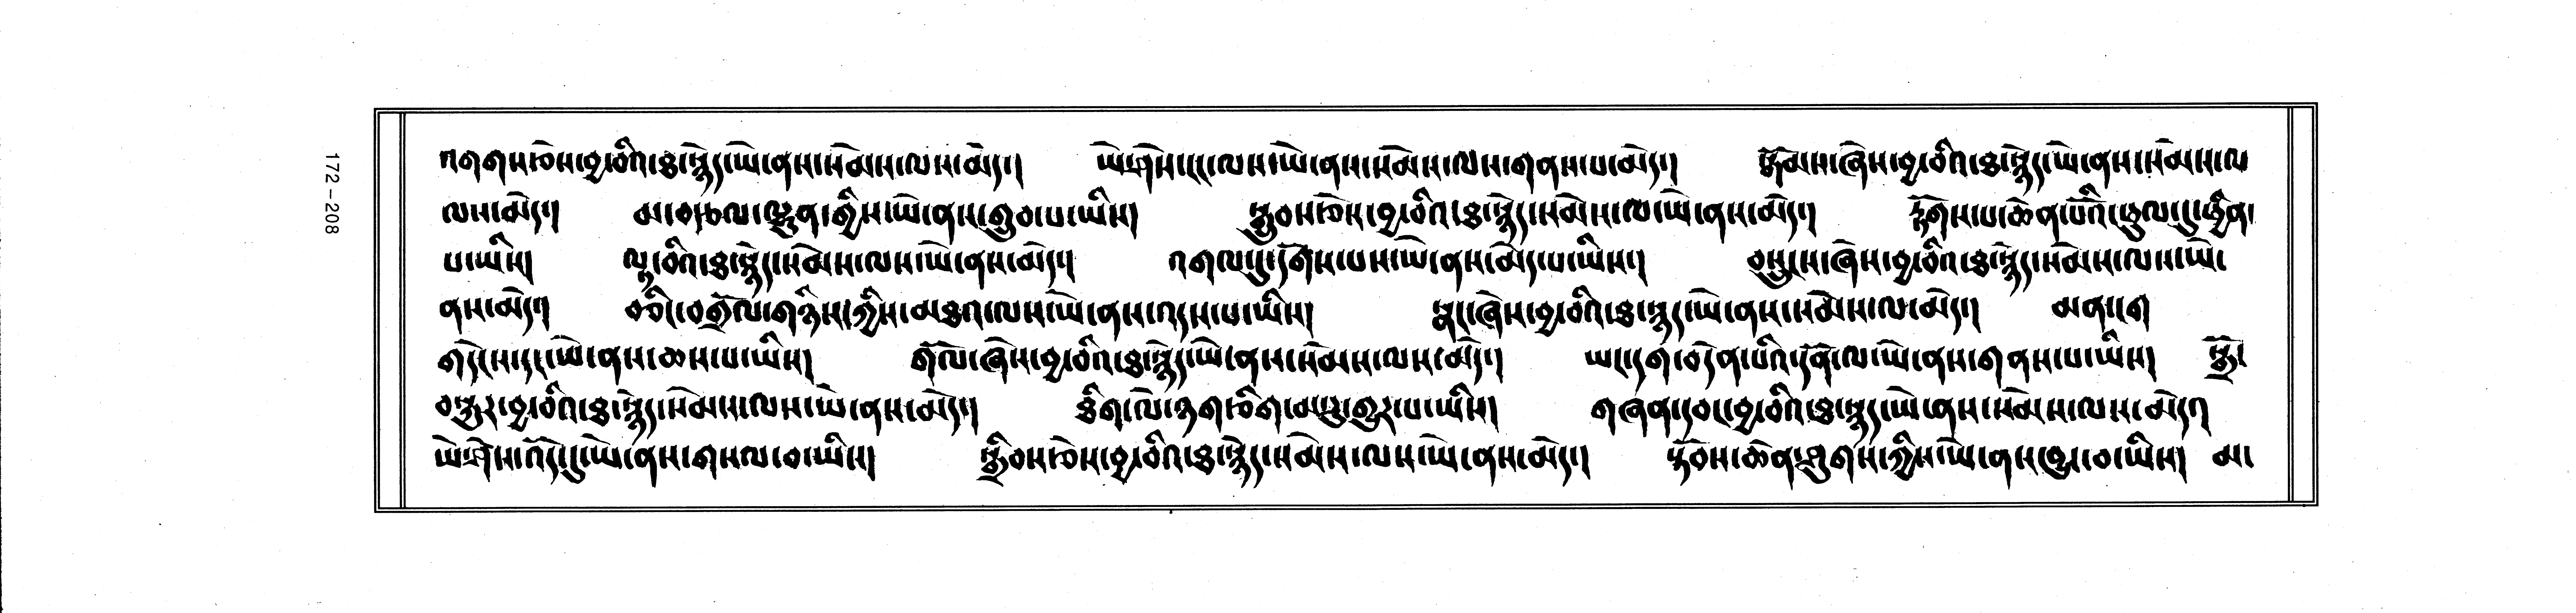འགགས་ཅེས་བྱ་བའི་ཐ་སྙེད་ཡེ་ནས་སེམས་ལས་མེད། ཡེ་ཤེས་ངང་ལས་ཡེ་ནས་སེམས་ལས་གནས་པ་མེད། སྒོམས་ཞེས་བྱ་བའི་ཐ་སྙེད་ཡེ་ནས་སེམས་
ལས་མེད། མ་བརྩལ་ལྷུན་གྱིས་ཡེ་ནས་གྲུབ་པ་ཡིས། སྒྲུབས་ཅེས་བྱ་བའི་ཐ་སྙེད་སེམས་ལ་ཡེ་ནས་མེད། རྟོགས་པ་ཆེན་པོའི་ཕུལ་དུ་ཕྱིན་
པ་ཡིས། ལྟ་བའི་ཐ་སྙེད་སེམས་ལས་ཡེ་ནས་མེད། འགལ་དུ་དོགས་པས་ཡེ་ནས་མེད་པ་ཡིས། བསྲུངས་ཞེས་བྱ་བའི་ཐ་སྙེད་སེམས་ལས་ཡེ་
ནས་མེད། བཅིང་བགྲོལ་གཉིས་ཀྱིས་མཐའ་ལས་ཡེ་ནས་འདས་པ་ཡིས། སྣང་ཞེས་བྱ་བའི་ཐ་སྙེད་ཡེ་ནས་སེམས་ལ་མེད། མན་ངག་
གདེང་དང་ཡེ་ནས་ཆས་པ་ཡིས། གོལ་ཞེས་བྱ་བའི་ཐ་སྙེད་ཡེ་ནས་སེམས་ལས་མེད། ཡང་དག་བདེན་པའི་དོན་ལ་ཡེ་ནས་གནས་པ་ཡིས། སྒྲོ་
བསྐུར་བྱ་བའི་ཐ་སྙེད་སེམས་ལས་ཡེ་ནས་མེད། ཐིག་ལེ་ཉག་ཅིག་མ་རུ་གྱུར་པ་ཡིས། གཞན་དབང་བྱ་བའི་ཐ་སྙེད་ཡེ་ནས་སེམས་ལས་མེད། 
ཡེ་ཤེས་འོད་དུ་ཡེ་ནས་གསལ་བ་ཡིས། སྒྲིབ་ཅེས་བྱ་བའི་ཐ་སྙེད་སེམས་ལས་ཡེ་ནས་མེད། སྟོབས་ཆེན་ཤུགས་ཀྱིས་ཡེ་ནས་བྱུང་བ་ཡིས། མ་